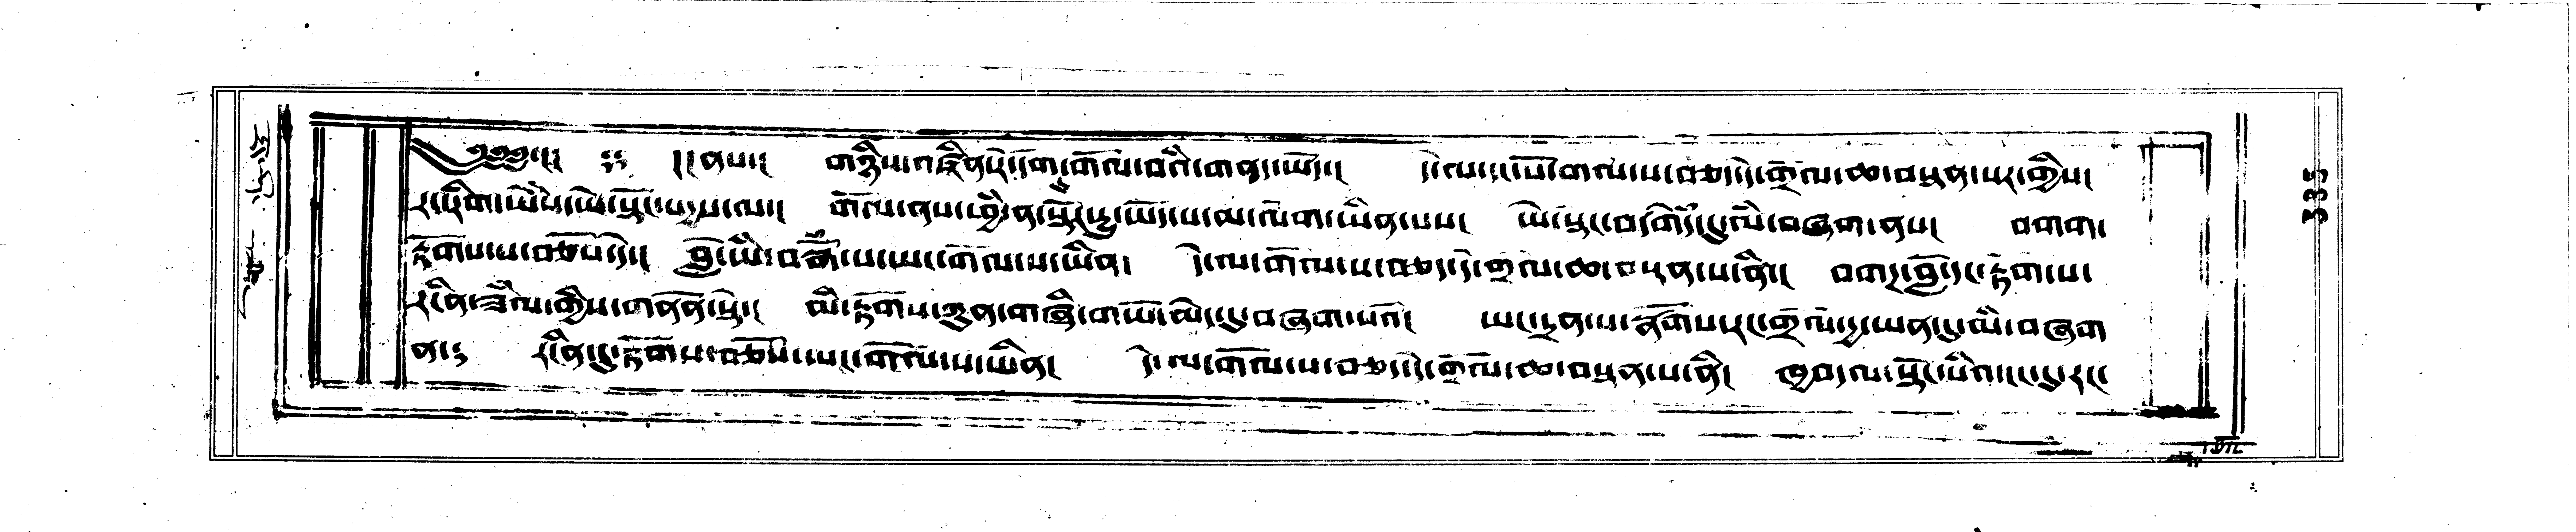ནས་གཉིས་འཛིན་རེ་དོགས་སུ་གོལ་བའི་ཉན་ཡོད། དེ་ལ་དང་པོ་གོལ་ས་བཅད་དེ། གྲོལ་ཆ་བསྟོན་༼བསྟན༽པའི་མེན་ངག་ནི། 
རང་རིག་ཡེ་ཤེས་ཡེ་སྟོང་སངས་རྒྱས་ལ། གོལ་ནས་ཕྱི་ནས་ལྟོར་རྒྱུ་ཡོད་པ་མ་ཡིན་ཏེ། ཡེ་སྟོང་བདག་མེད་དུ་མི་བཞག་ནས། བག་ཆགས་
རྟོག་པས་བཅོས་ཏེ་ བློའི་སྒོམ་པ་ཡང་གོལ་ས་ཡིན། དེ་ལ་གོལ་ས་བཅད་དེ་གྲོལ་ཆ་བཏོན་པ་ནི། བག་ཆགས་བློ་དང་རྟོག་པ་
རང་བཞིན་ཟིལ་གྱིས་མནན་ཏེ། མི་རྟོག་ཀུན་གཞི་གཡོ་མེད་དུ་བཞག་པའོ། ཡང་དྲན་པ་སྣ་ཚོགས་རང་གྲོལ་རྒྱ་ཡན་དུ་མི་བཞག་
ནས། རེ་རེ་བཞིན་དུ་རྟོག་པས་རྟོག་པ་བཅོས་པ་ཡང་གོལ་ས་ཡིན། དེ་ལ་ཡང་གོལ་ས་བཅད་དེ། གྲོལ་ཆ་བསྟན་པ་ནི། ཁྱབ་བདལ་སྟོང་པའི་ངང་དུ། རང་